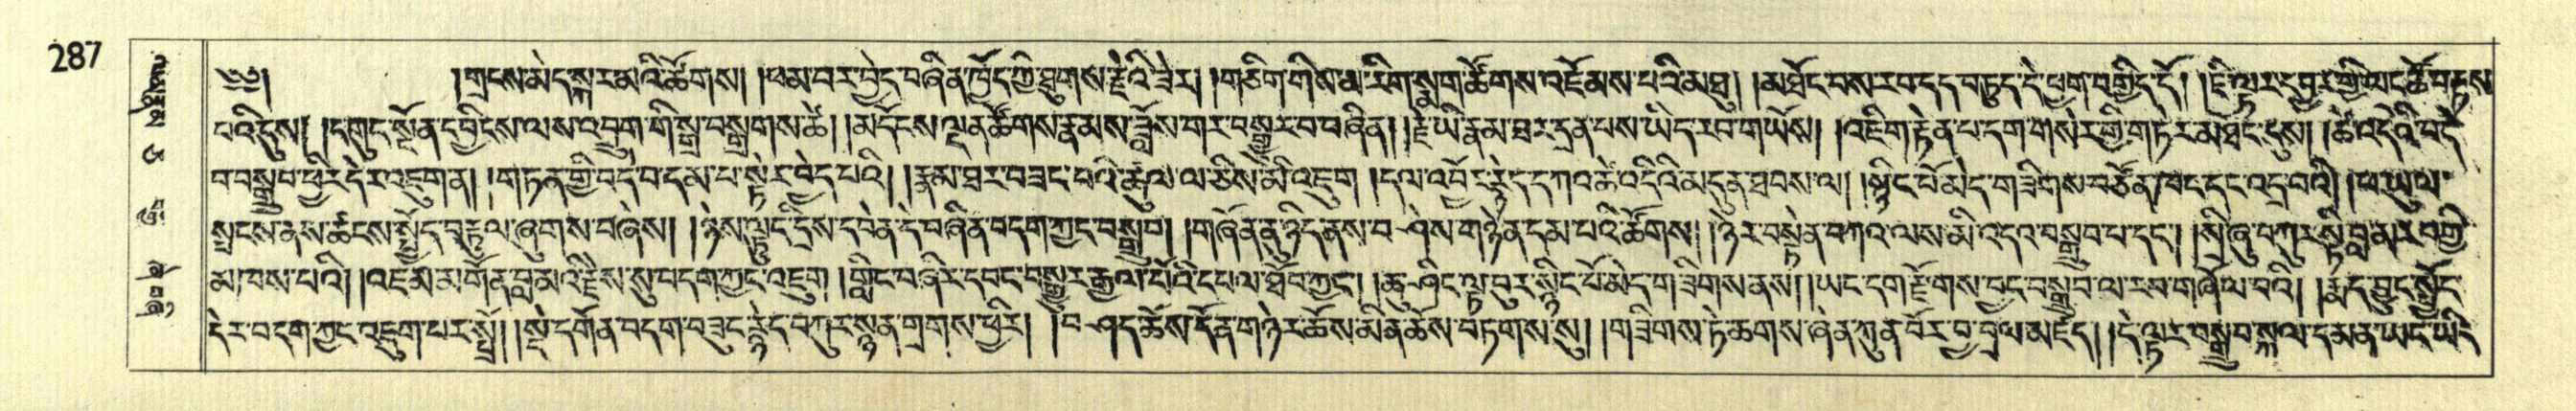༄༅། །གྲངས་མེད་སྐར་མའི་ཚོགས། །ཕམ་བར་བྱེད་བཞིན་ཁྱོད་ཀྱི་ཐུགས་རྗེའི་ཟེར། །གཅིག་གིས་མ་རིག་སྨག་ཚོགས་འཇོམས་པའི་མཐུ། །མཐོང་བས་རབ་དད་བཏུད་དེ་ཕྱག་བགྱིད་དོ། །ཇི་ལྟར་དབྱར་གྱི་ལང་ཚོ་བརྟས་
པའི་དུས། །དགུང་སྔོན་དབྱིངས་ལས་འབྲུག་གི་སྒྲ་བསྒྲགས་ཚེ། །མདོངས་ལྡན་ཚོགས་རྣམས་ཟློས་གར་བསྒྱུར་བ་བཞིན། །རྗེ་ཡི་རྣམ་ཐར་དྲན་པས་ཡིད་རབ་གཡོས། །འཇིག་རྟེན་པ་དག་གསེར་གྱི་གཏེར་མཐོང་དུས། །ཚེ་འདེའི་བདེ་
བ་བསྒྲུབ་ཕྱིར་དེར་འཇུག་ན། །གཏན་གྱི་བདེ་བ་དམ་པ་སྟེར་བྱེད་པའི། །རྣམ་ཐར་བཟང་བའི་ཚུལ་ལ་ཅིས་མི་འཇུག །དལ་འབྱོར་རྙེད་དཀའ་ཚེ་འདིའི་མདུན་ཐབས་ལ། །སྙིང་པོ་མེད་གཟིགས་བཙོན་ཁང་དང་འདྲ་བའི། །ཕ་ཡུལ་
སྤངས་ནས་ཚངས་སྤྱོད་བརྟུལ་ཞུགས་བཞེས། །ཉེས་ལྟུང་དྲིས་དབེན་དེ་བཞིན་བདག་ཀྱང་བསྒྲུབ། །གཞོན་ནུ་ཉིད་ནས་བཤེས་གཉེན་དམ་པའི་ཚོགས། །ཉེར་བསྟེན་བཀའ་ལས་མི་འདའ་བསྒྲུབ་པ་དང་། །སྲི་ཞུ་བཀུར་སྟི་བླ་མར་བགྱི་
མཁས་པའི། །འཇམ་མགོན་བླ་མའི་རྗེས་སུ་བདག་ཀྱང་འཇུག། གླིང་བཞིར་དབང་བསྒྱུར་རྒྱལ་པོའི་དཔལ་ཐོབ་ཀྱང་། །ཆུ་ཤིང་ལྟ་བུར་སྙིང་པོ་མེད་གཟིགས་ནས། །ཡང་དག་རྫོགས་བྱང་བསྒྲུབ་ལ་རབ་གཞོལ་བའི། །རྨད་བྱུང་སྤྱོད་
དེར་བདག་ཀྱང་འཇུག་པར་སྤྲོ། །སྡེ་དགོན་བདག་བཟུང་རྙེད་བཀུར་སྙན་གྲགས་ཕྱིར། །བཤད་ཆོས་དོན་གཉེར་ཆོས་མིན་ཆོས་བཏགས་སུ། །གཟིགས་ཏེ་ཆགས་ཞེན་ཀུན་བོར་བྱ་བྲལ་མཛད། །དེ་ལྟར་བསྒྲུབ་སྐལ་དམན་ཡང་ཡིད་